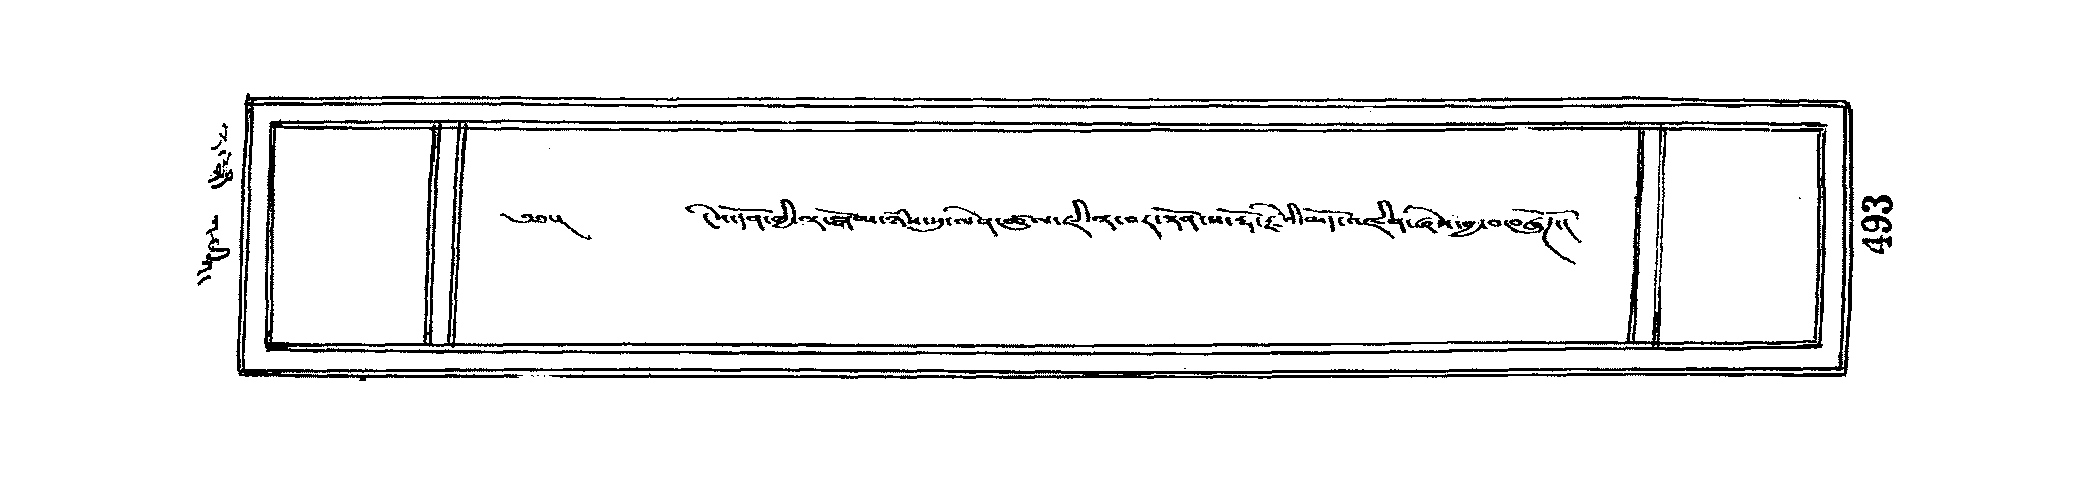༄༅། ངེས་དོན་གྱི་ལྟ་སྒོམ་ཉམས་སུ་ལེན་ཚུལ་ཇི་ལྟ་བར་སྟོན་པ་རྡོ་རྗེའི་མདོ་འཛིན་ཞེས་བྱ་བ་བཞུགས་སོ།།